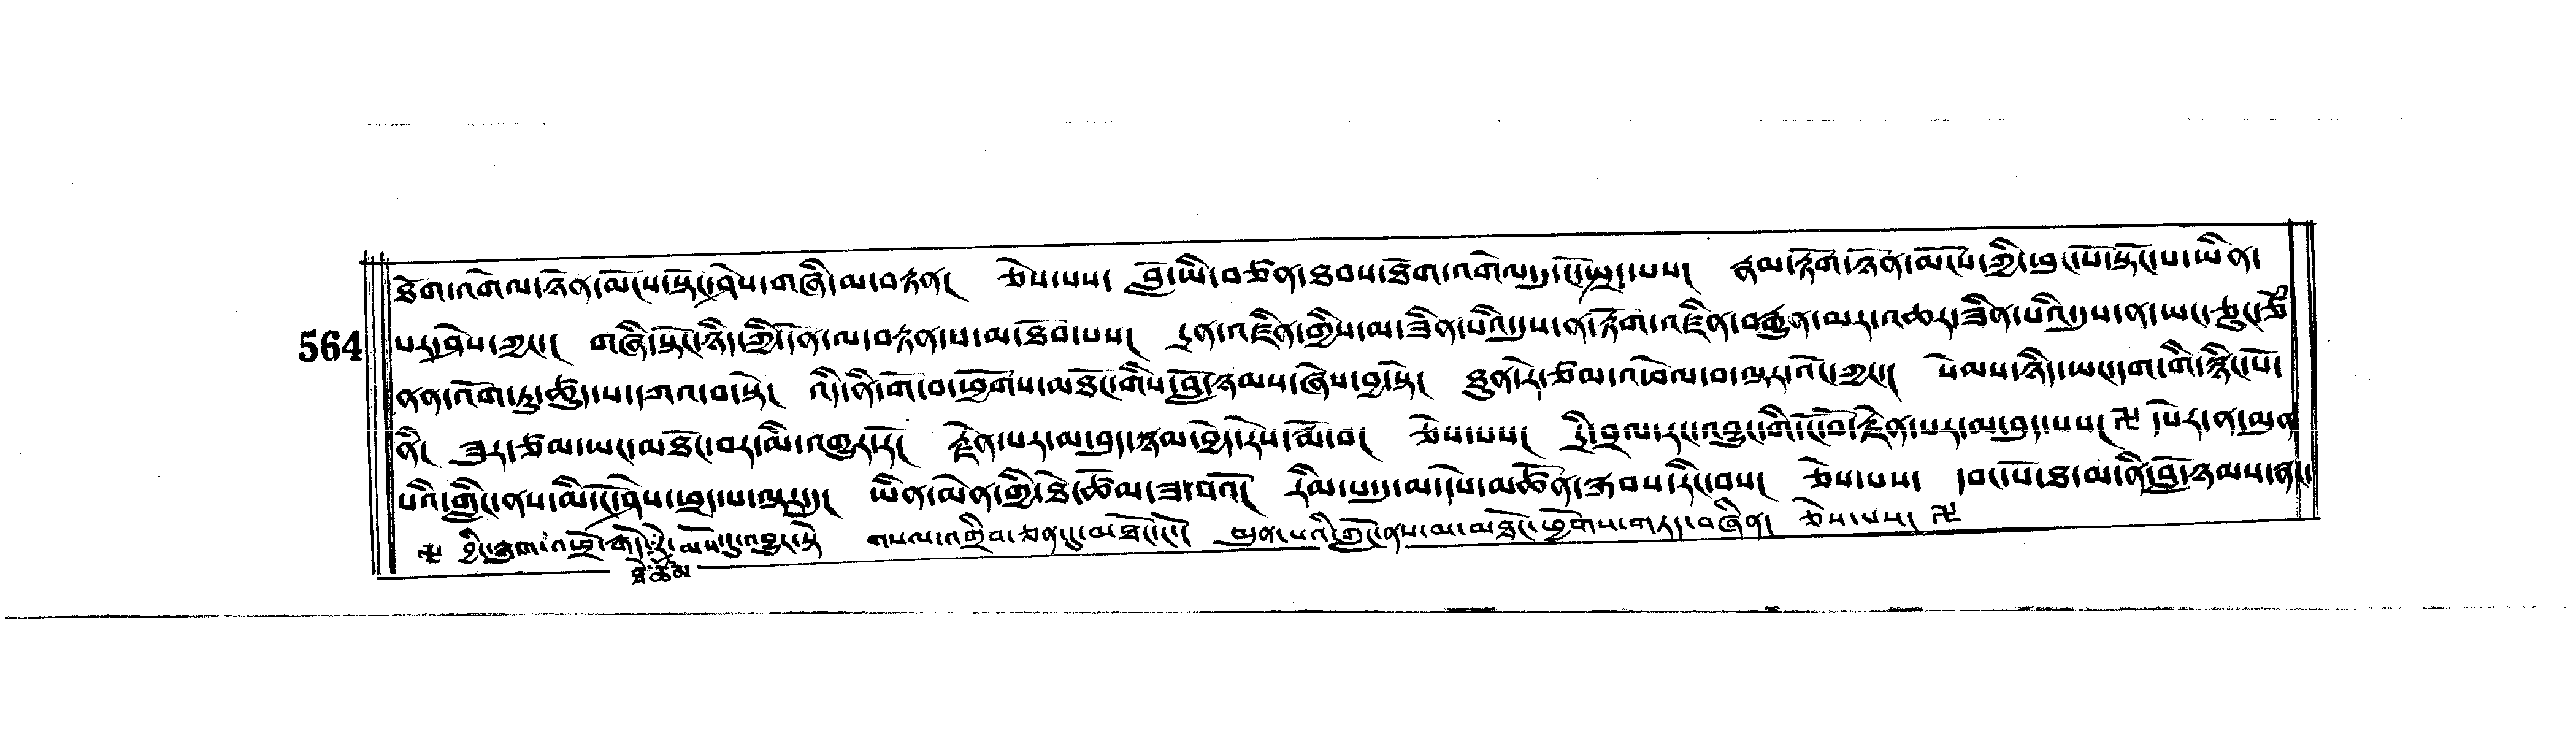ཐོག་འགེལ་ཉོན་མོངས་སྟོང་ཤེས་གཞི་མ་བརྟན། ཅེས་པས། བློ་ཡིས་བཙན་ཐབས་ཐོག་འགེལ་དུ་ངོ་སྤྲད་པས། རྣམ་རྟོག་ཉོན་མོངས་ཀྱི་ཕུང་པོ་སྟོང་པ་ཡིན་
པར་ཤེས་ཀྱང་། གཞི་སྟོང་ཉིད་ཀྱི་དོན་ལ་བརྟན་པ་མ་ཐོབ་པས། དྲན་འཛིན་གྱིས་མ་ཟིན་པའི་དུས་ན་རྟོག་འཛིན་རྒྱུན་མར་འཆར་ཟིན་པའི་དུས་ན་ཅུང་ཙམ་
ནན་འོག་ཏུ་ཚུད་པ་དཀའ་བ་སྟེ། འདི་ནི་གོ་བ་ཕྱོགས་མཐོང་གི་བློ་ཉམས་ཞེས་བྱ་སྟེ། ཐུན་རེ་ཙམ་འཕེལ་བ་ལྟར་འོང་ཀྱང་། སེམས་ཉིད་ཡང་དག་གི་སྙིང་པོ་
ནི། ཟུར་ཙམ་ཡང་མཐོང་བར་མི་འགྱུར་རོ། རྗེན་པར་མ་བུད་སྙམ་བྱེད་རེས་མོས་བ། ཅེས་པས། དྲི་བྲལ་རང་འབྱུང་གི་ངོ་བོ་རྗེན་པར་མ་བུད་པས། དཔེར་ན་མུག
པའི་གླིང་ནས་མི་ངོ་ཤེས་ཕྲད་པ་ལྟར་དུ་ བྱིང་རྨུག་འཕྲོ་རྒོད་ཐེ་ཚོམ་རེས་མོས་སུ་འབྱུང་སྟེ། གསལ་འགྲིབ་ཅན་དུ་མཐོང་ངོ་། མུན་པའི་ཀློང་ནས་མ་མཐོང་ཕྱོགས་གཏད་བཞིན། ཅེས་པས། དཔེར་ན་མུན་པའི་གླིང་ནས་མི་ངོ་ཤེས་ཕྲད་པ་ལྟར་དུ། ཡིན་མིན་གྱི་ཐེ་ཚོམ་ཟ་བའོ། རིམ་པ་དུ་མ་དེས་མཚོན་སྐབས་རིང་བས། ཅེས་པས། དབང་པོ་ཐ་མ་ནི་བློ་ཉམས་སྣང་